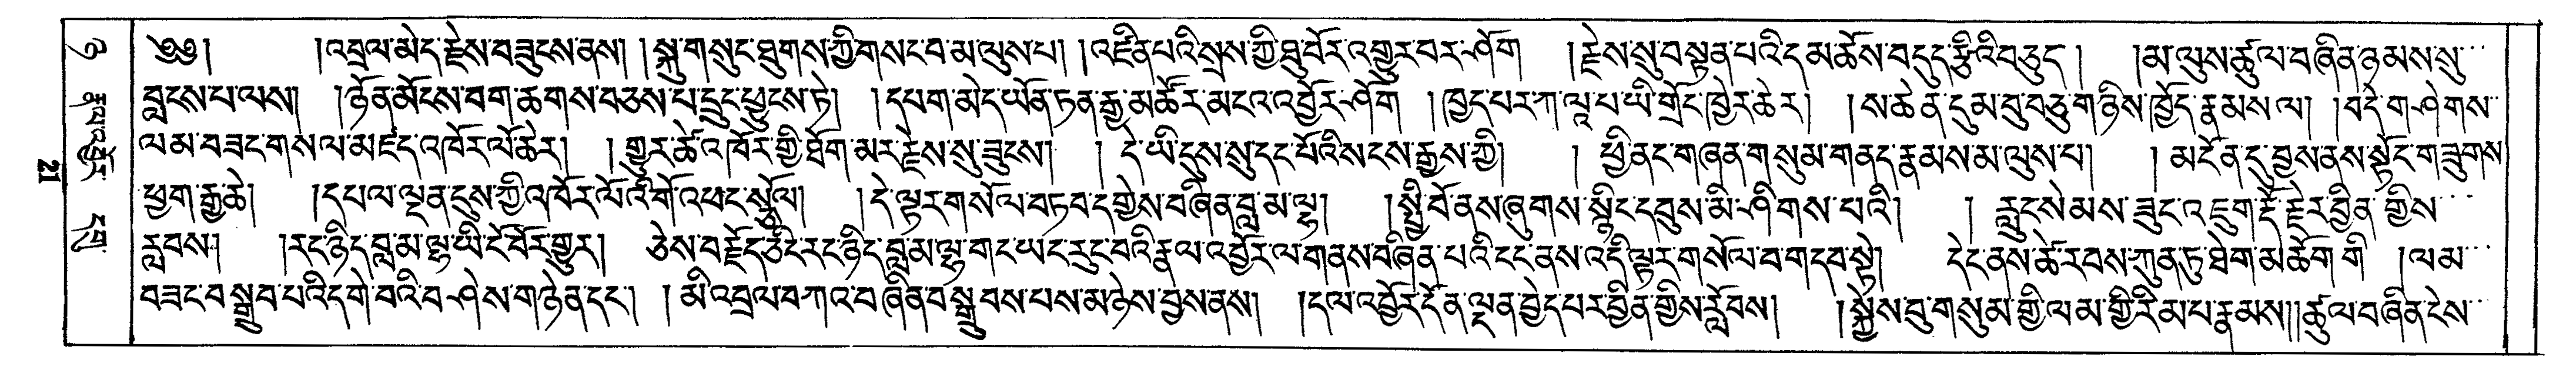༄༅། །འབྲལ་མེད་རྗེས་བཟུངས་ནས། །སྐུ་གསུང་ཐུགས་ཀྱི་གསང་བ་མ་ལུས་པ། །འཛིན་པའི་སྲས་ཀྱི་ཐུ་བོར་འགྱུར་བར་ཤོག །རྗེས་སུ་བསྟན་པའི་དམ་ཆོས་བདུད་རྩིའི་བཅུད། །མ་ལུས་ཚུལ་བཞིན་ཉམས་སུ་
བླངས་པ་ལས། །ཉོན་མོངས་བག་ཆགས་བཅས་པ་དྲུང་ཕྱུངས་ཏེ། །དཔག་མེད་ཡོན་ཏན་རྒྱ་མཚོར་མངའ་འབྱོར་ཤོག །ཁྱད་པར་ཀ་ལཱ་པ་ཡི་གྲོང་ཁྱེར་ཆེར། །ས་ཆེན་དུམ་བུ་བཅུ་གཉིས་ཁྱོན་རྣམས་ལ། །བདེ་གཤེགས་
ལམ་བཟང་གསལ་མཛད་འཁོར་ལོ་ཆེར། །གྱུར་ཚེ་འཁོར་གྱི་ཐོག་མར་རྗེས་སུ་ཟུངས། །དེ་ཡི་དུས་སུ་དང་པོའི་སངས་རྒྱས་ཀྱི། །ཕྱི་ནང་གཞན་གསུམ་གནད་རྣམས་མ་ལུས་པ། །མངོན་དུ་བྱས་ནས་སྟོང་གཟུགས་
ཕྱག་རྒྱ་ཆེ། །དཔལ་ལྡན་དུས་ཀྱི་འཁོར་ལོའི་གོ་འཕང་སྩོལ། །དེ་ལྟར་གསོལ་བཏབ་དགྱེས་བཞིན་བླ་མ་ལྷ། །སྤྱི་བོ་ནས་ཞུགས་སྙིང་དབུས་མི་ཤིགས་པའི། །རླུང་སེམས་ཟུང་འཇུག་རྡོ་རྗེར་བྱིན་གྱིས་
རློབས། །རང་ཉིད་བླ་མ་ལྷ་ཡི་ངོ་བོར་གྱུར། ཅེས་བརྗོད་ཅིང་རང་ཉིད་བླ་མ་ལྷ་གང་ཡང་རུང་བའི་རྣལ་འབྱོར་ལ་གནས་བཞིན་བའི་ངང་ནས་འདི་ལྟར་གསོལ་བ་གདབ་སྟེ། དེང་ནས་ཚེ་རབས་ཀུན་ཏུ་ཐེག་མཆོག་གི །ལམ་
བཟང་བསྒྲུབ་པའི་དགེ་བའི་བཤེས་གཉེན་དང་། །མི་འབྲལ་བཀའ་བཞིན་བསྒྲུབས་བས་མཉེས་བྱས་ནས། །དལ་འབྱོར་དོན་ལྡན་བྱེད་པར་བྱིན་གྱིས་རློབས། །སྐྱེས་བུ་གསུམ་གྱི་ལམ་གྱི་རིམ་པ་རྣམས། །ཚུལ་བཞིན་ངེས་